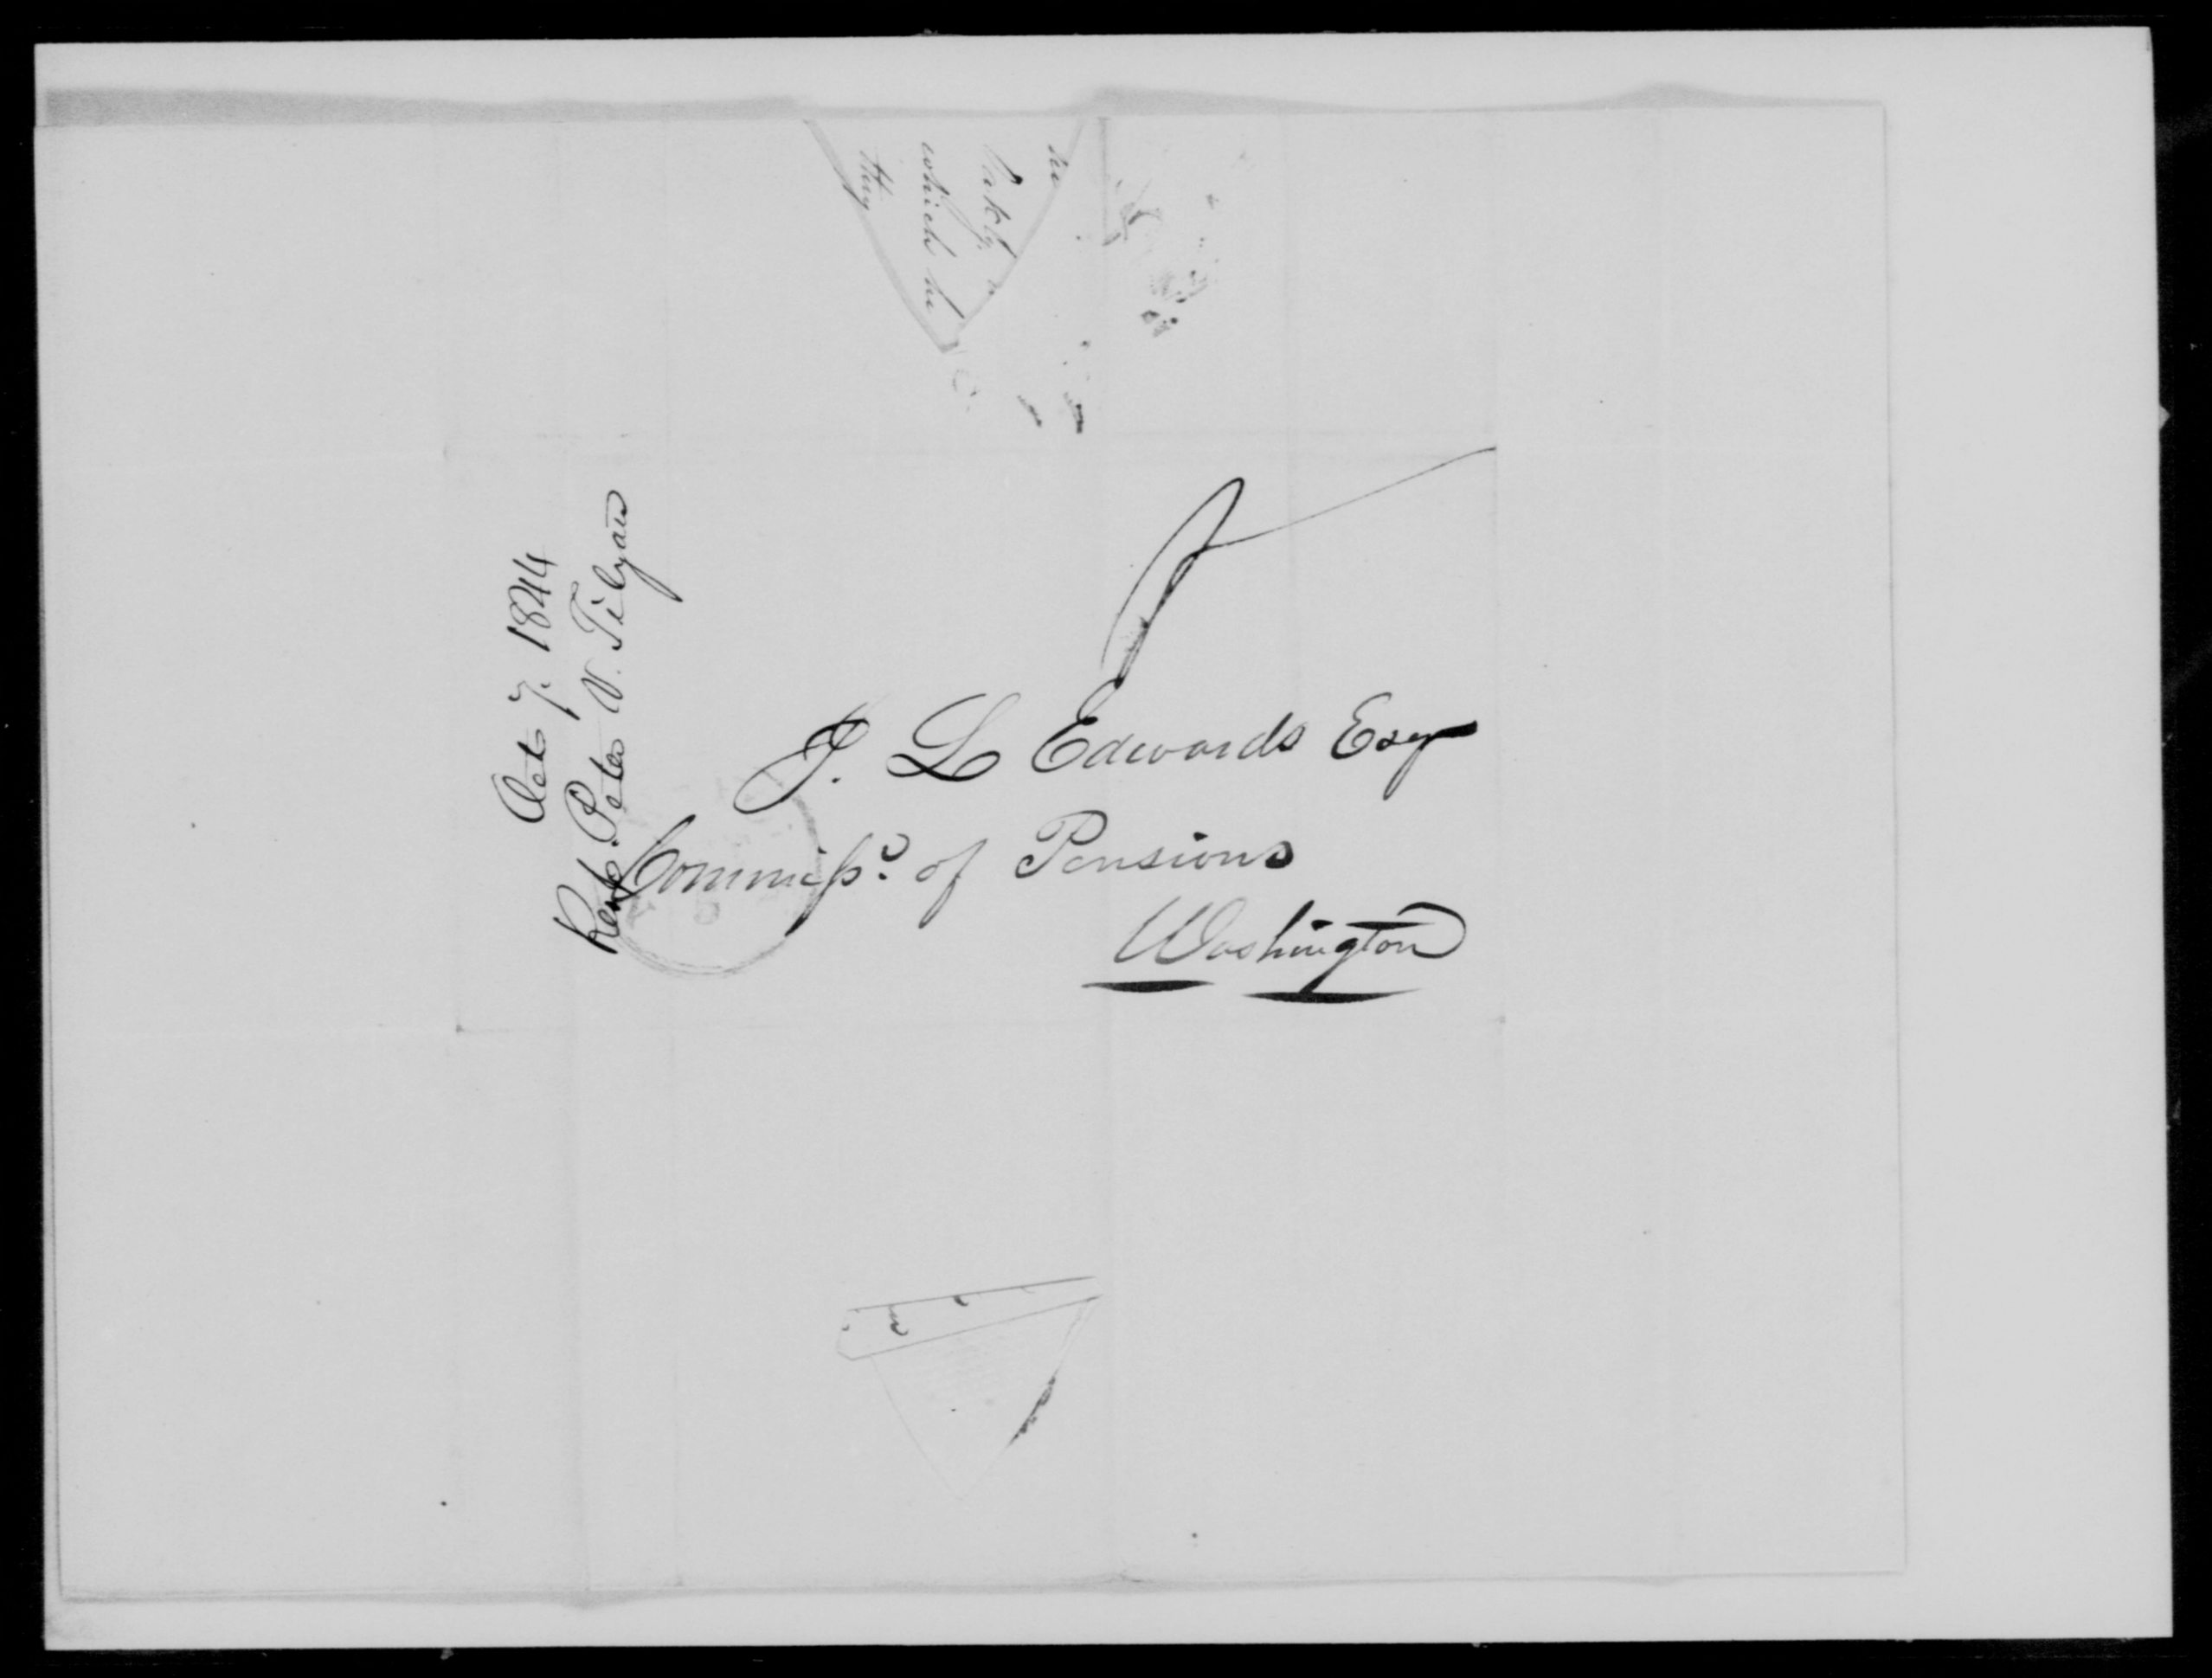J.L. Edwards Esqr
Commissr of Pensions
Washington
[on side]
Oct 7 1844
Resp Peter V. Tilyou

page: 24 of 101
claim: widow's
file: W. 25481, for Peter V Tilyou, New Jersey